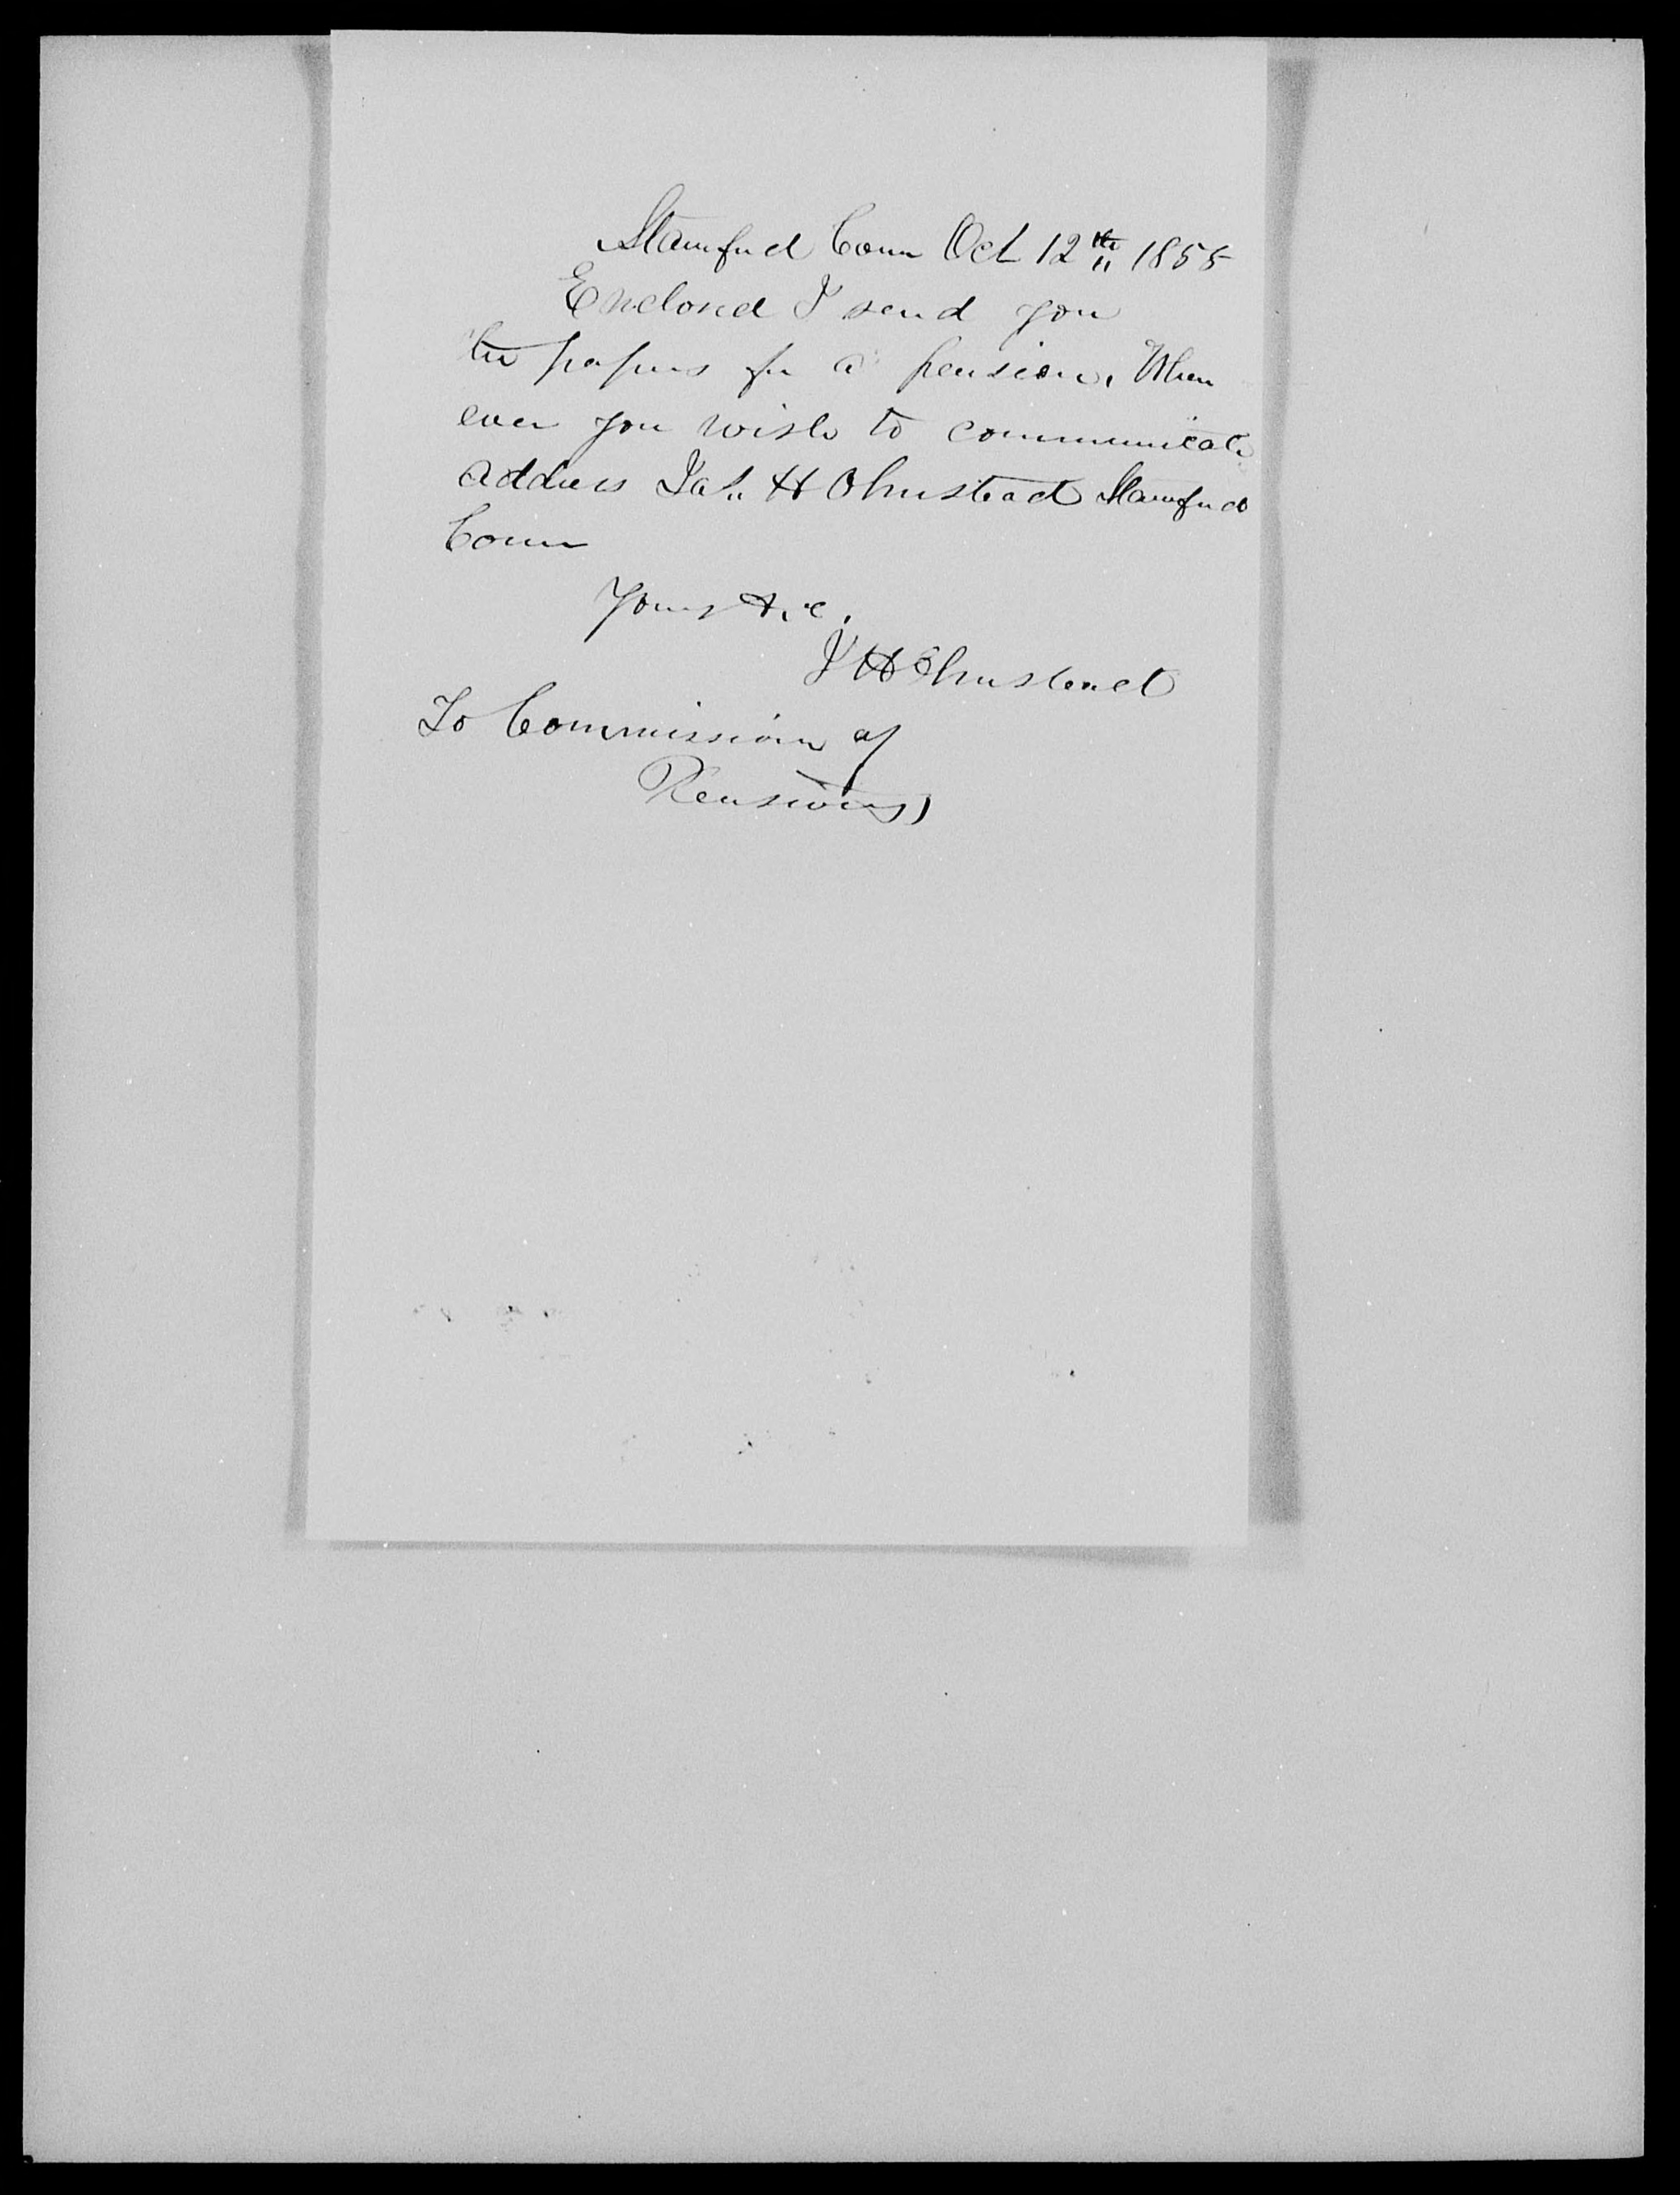Stanford Corn Oct 12th 1855 
Enclosed I send you the papers for a pension. When ever you wish to communicate Address J. H Olmstead Stamford Conn 
Yours &c
J. H. Olmstead
 To Commission of Pensions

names: Jas H Olmstead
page: 29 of 43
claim: rejected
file: R. 5655, for Samuel Johnson, Connecticut